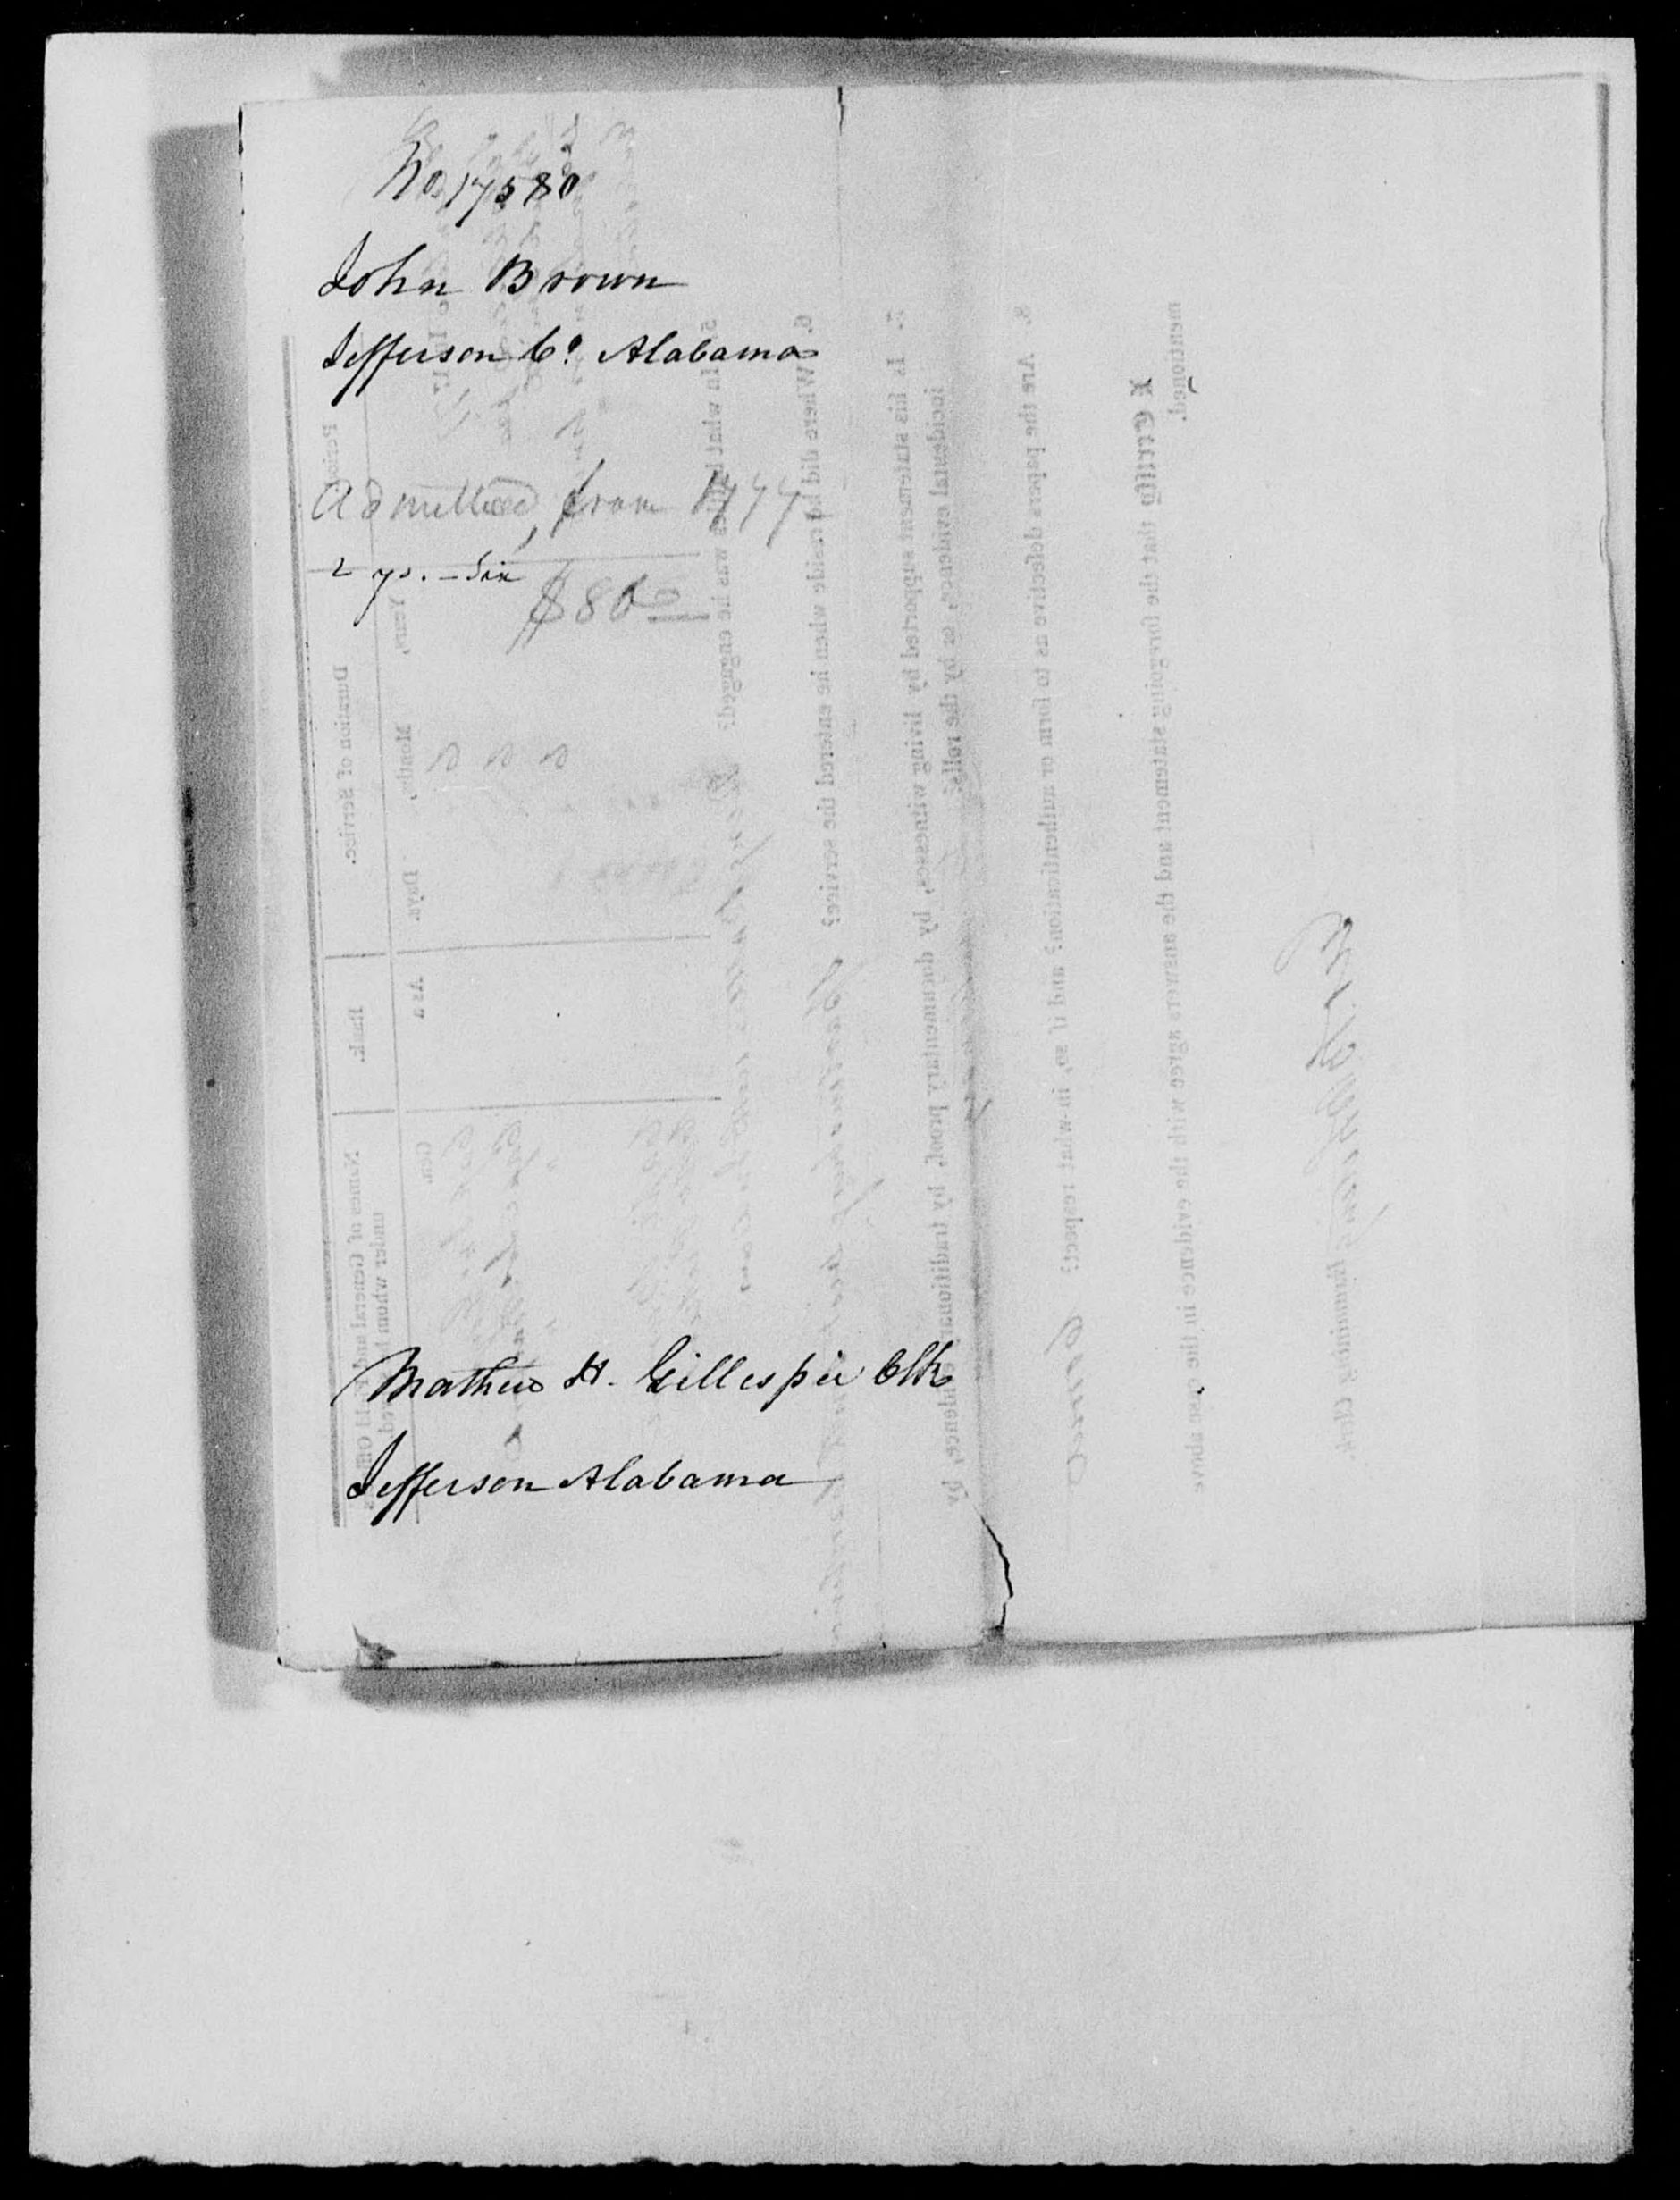No 17580
John Brown
Jefferson Co. Alabama
Admitted from 1777
2 yrs in Jan
$80
Mathew  H. Gillespie Clk Jefferson Alabama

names: Mathew H Gillespie, John Brown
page: 25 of 85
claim: widow's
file: W. 5,906, John Brown, S.C.